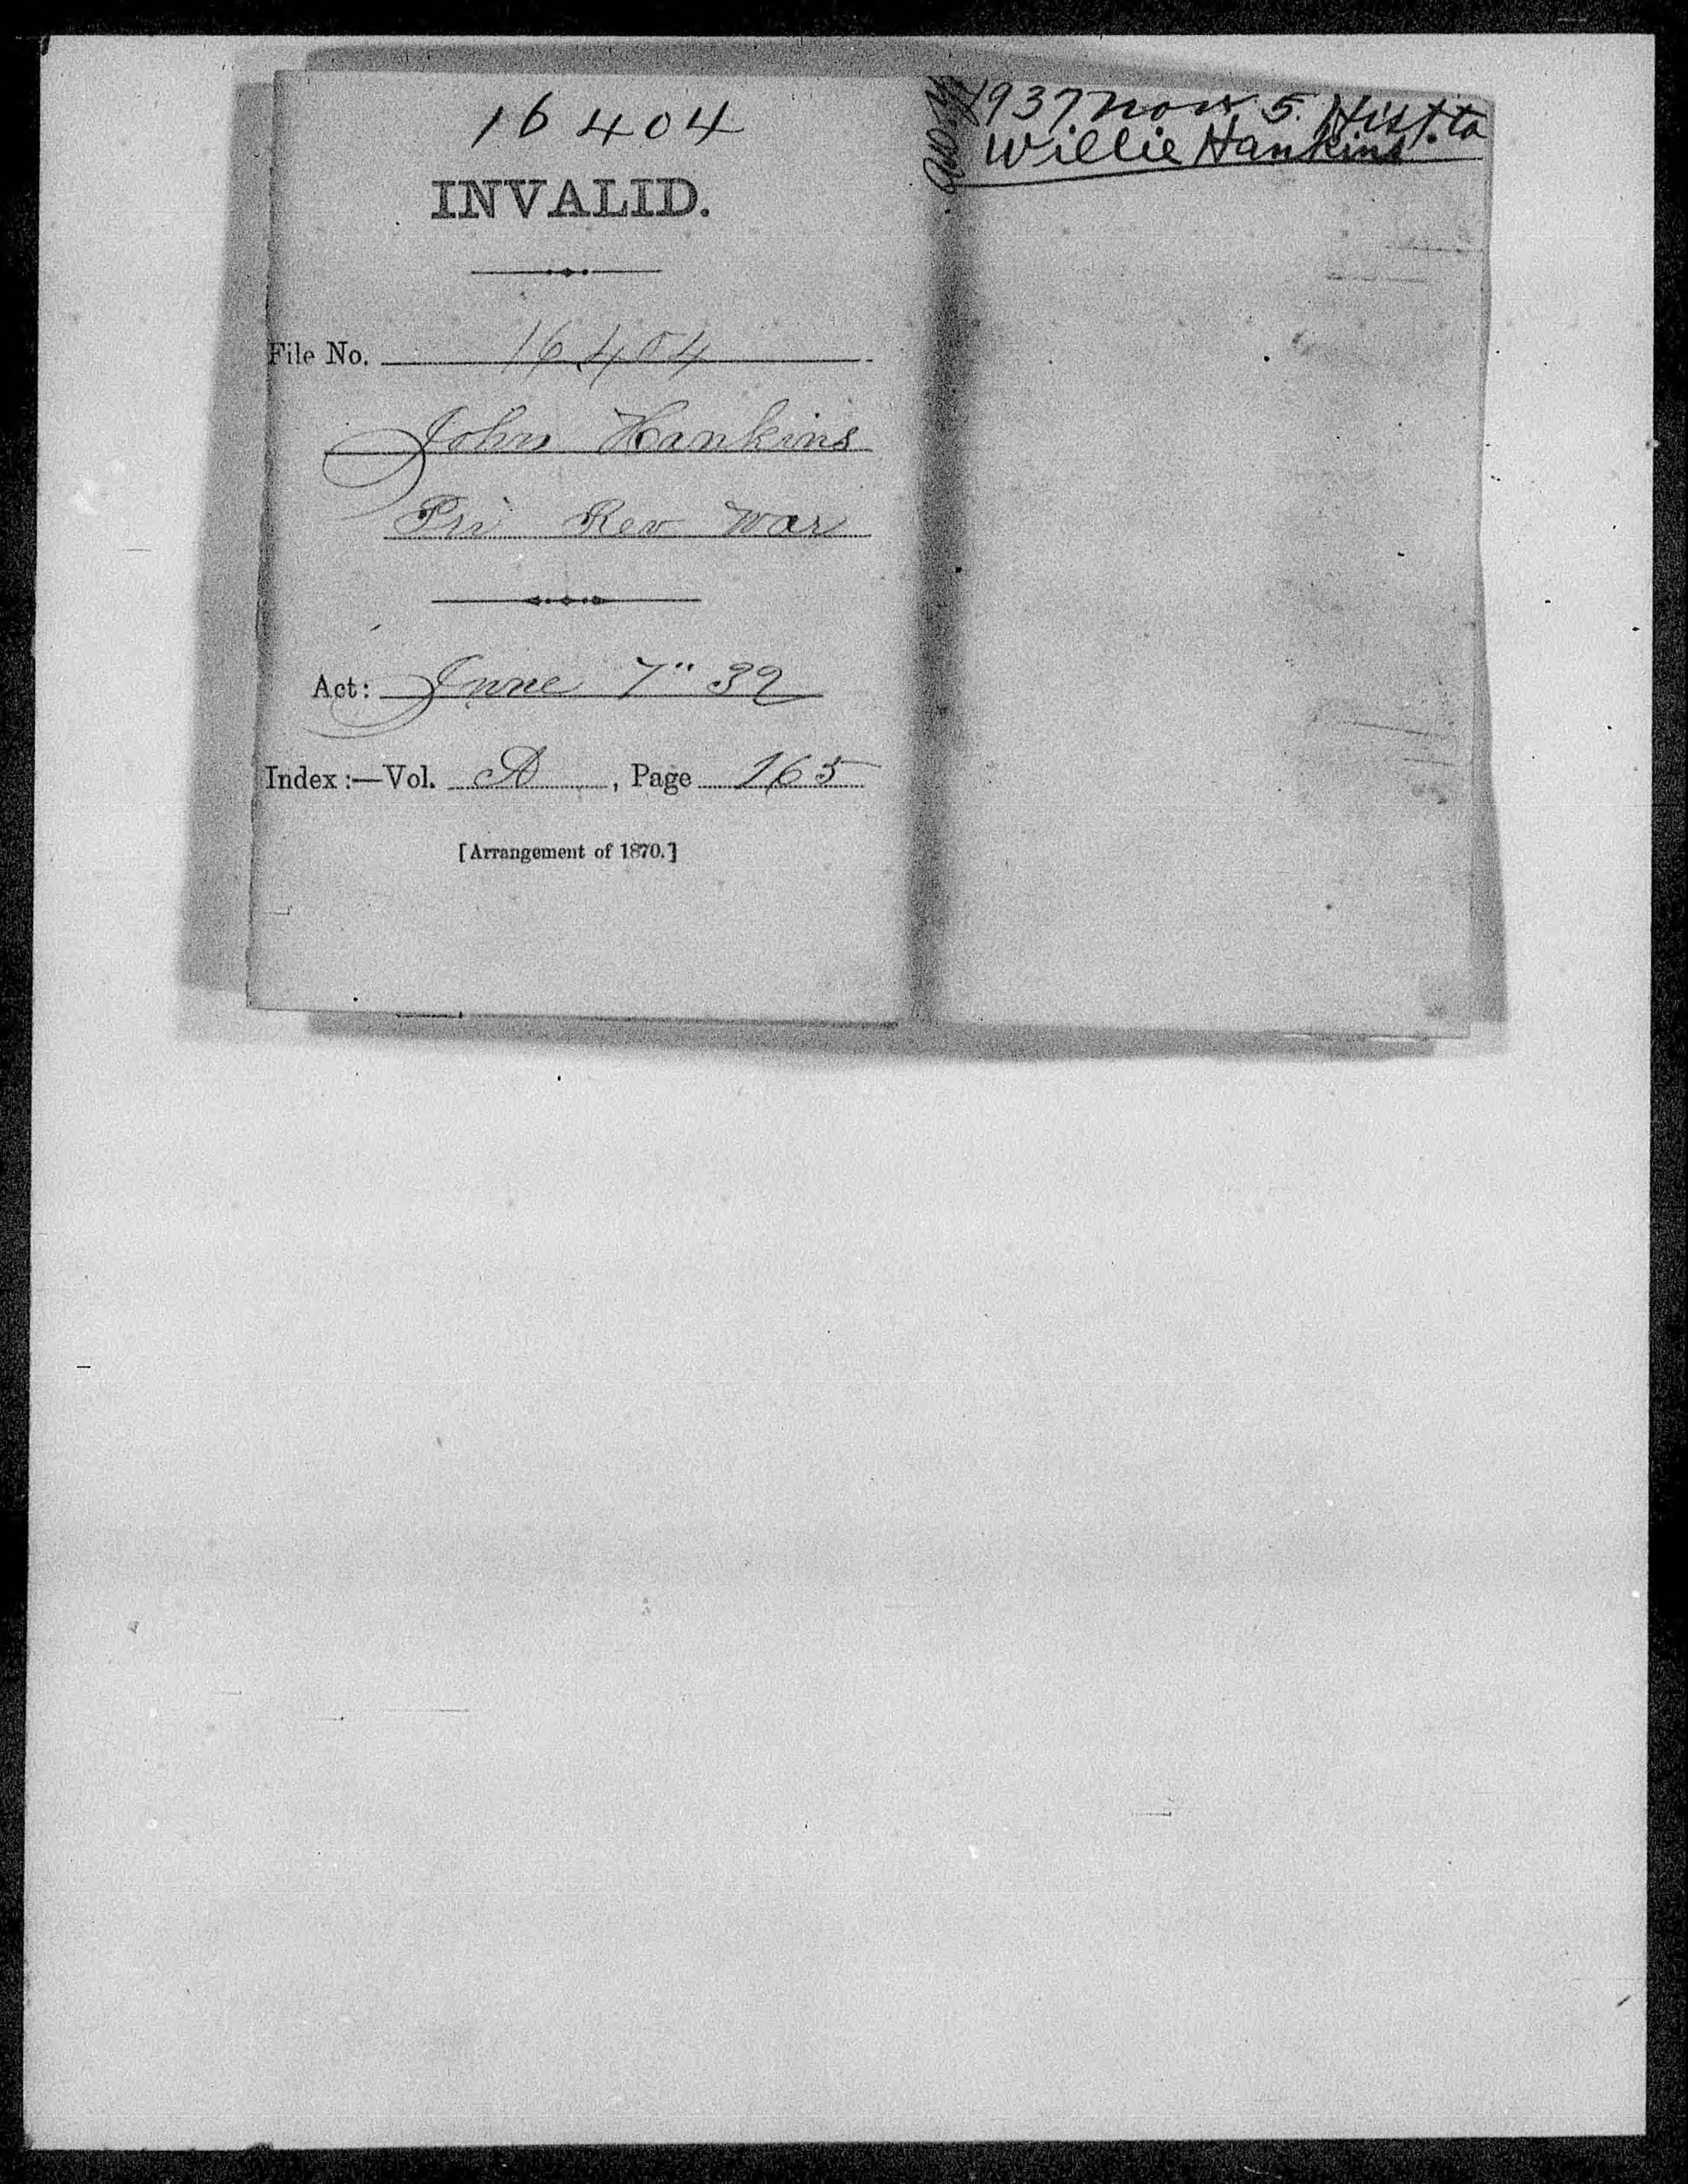16404
INVALID

File No. 16404
John Hankins
Prv Rev War

Act: June 7th 32
Index: - Vol. A, Page 165

[Arrangement of 1870]

1937 Nov 5 [illegible] to Willie Hankins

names: John Hankins, Willie Hankins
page: 12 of 19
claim: survivor's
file: S. 16404, John Hankins, Va.